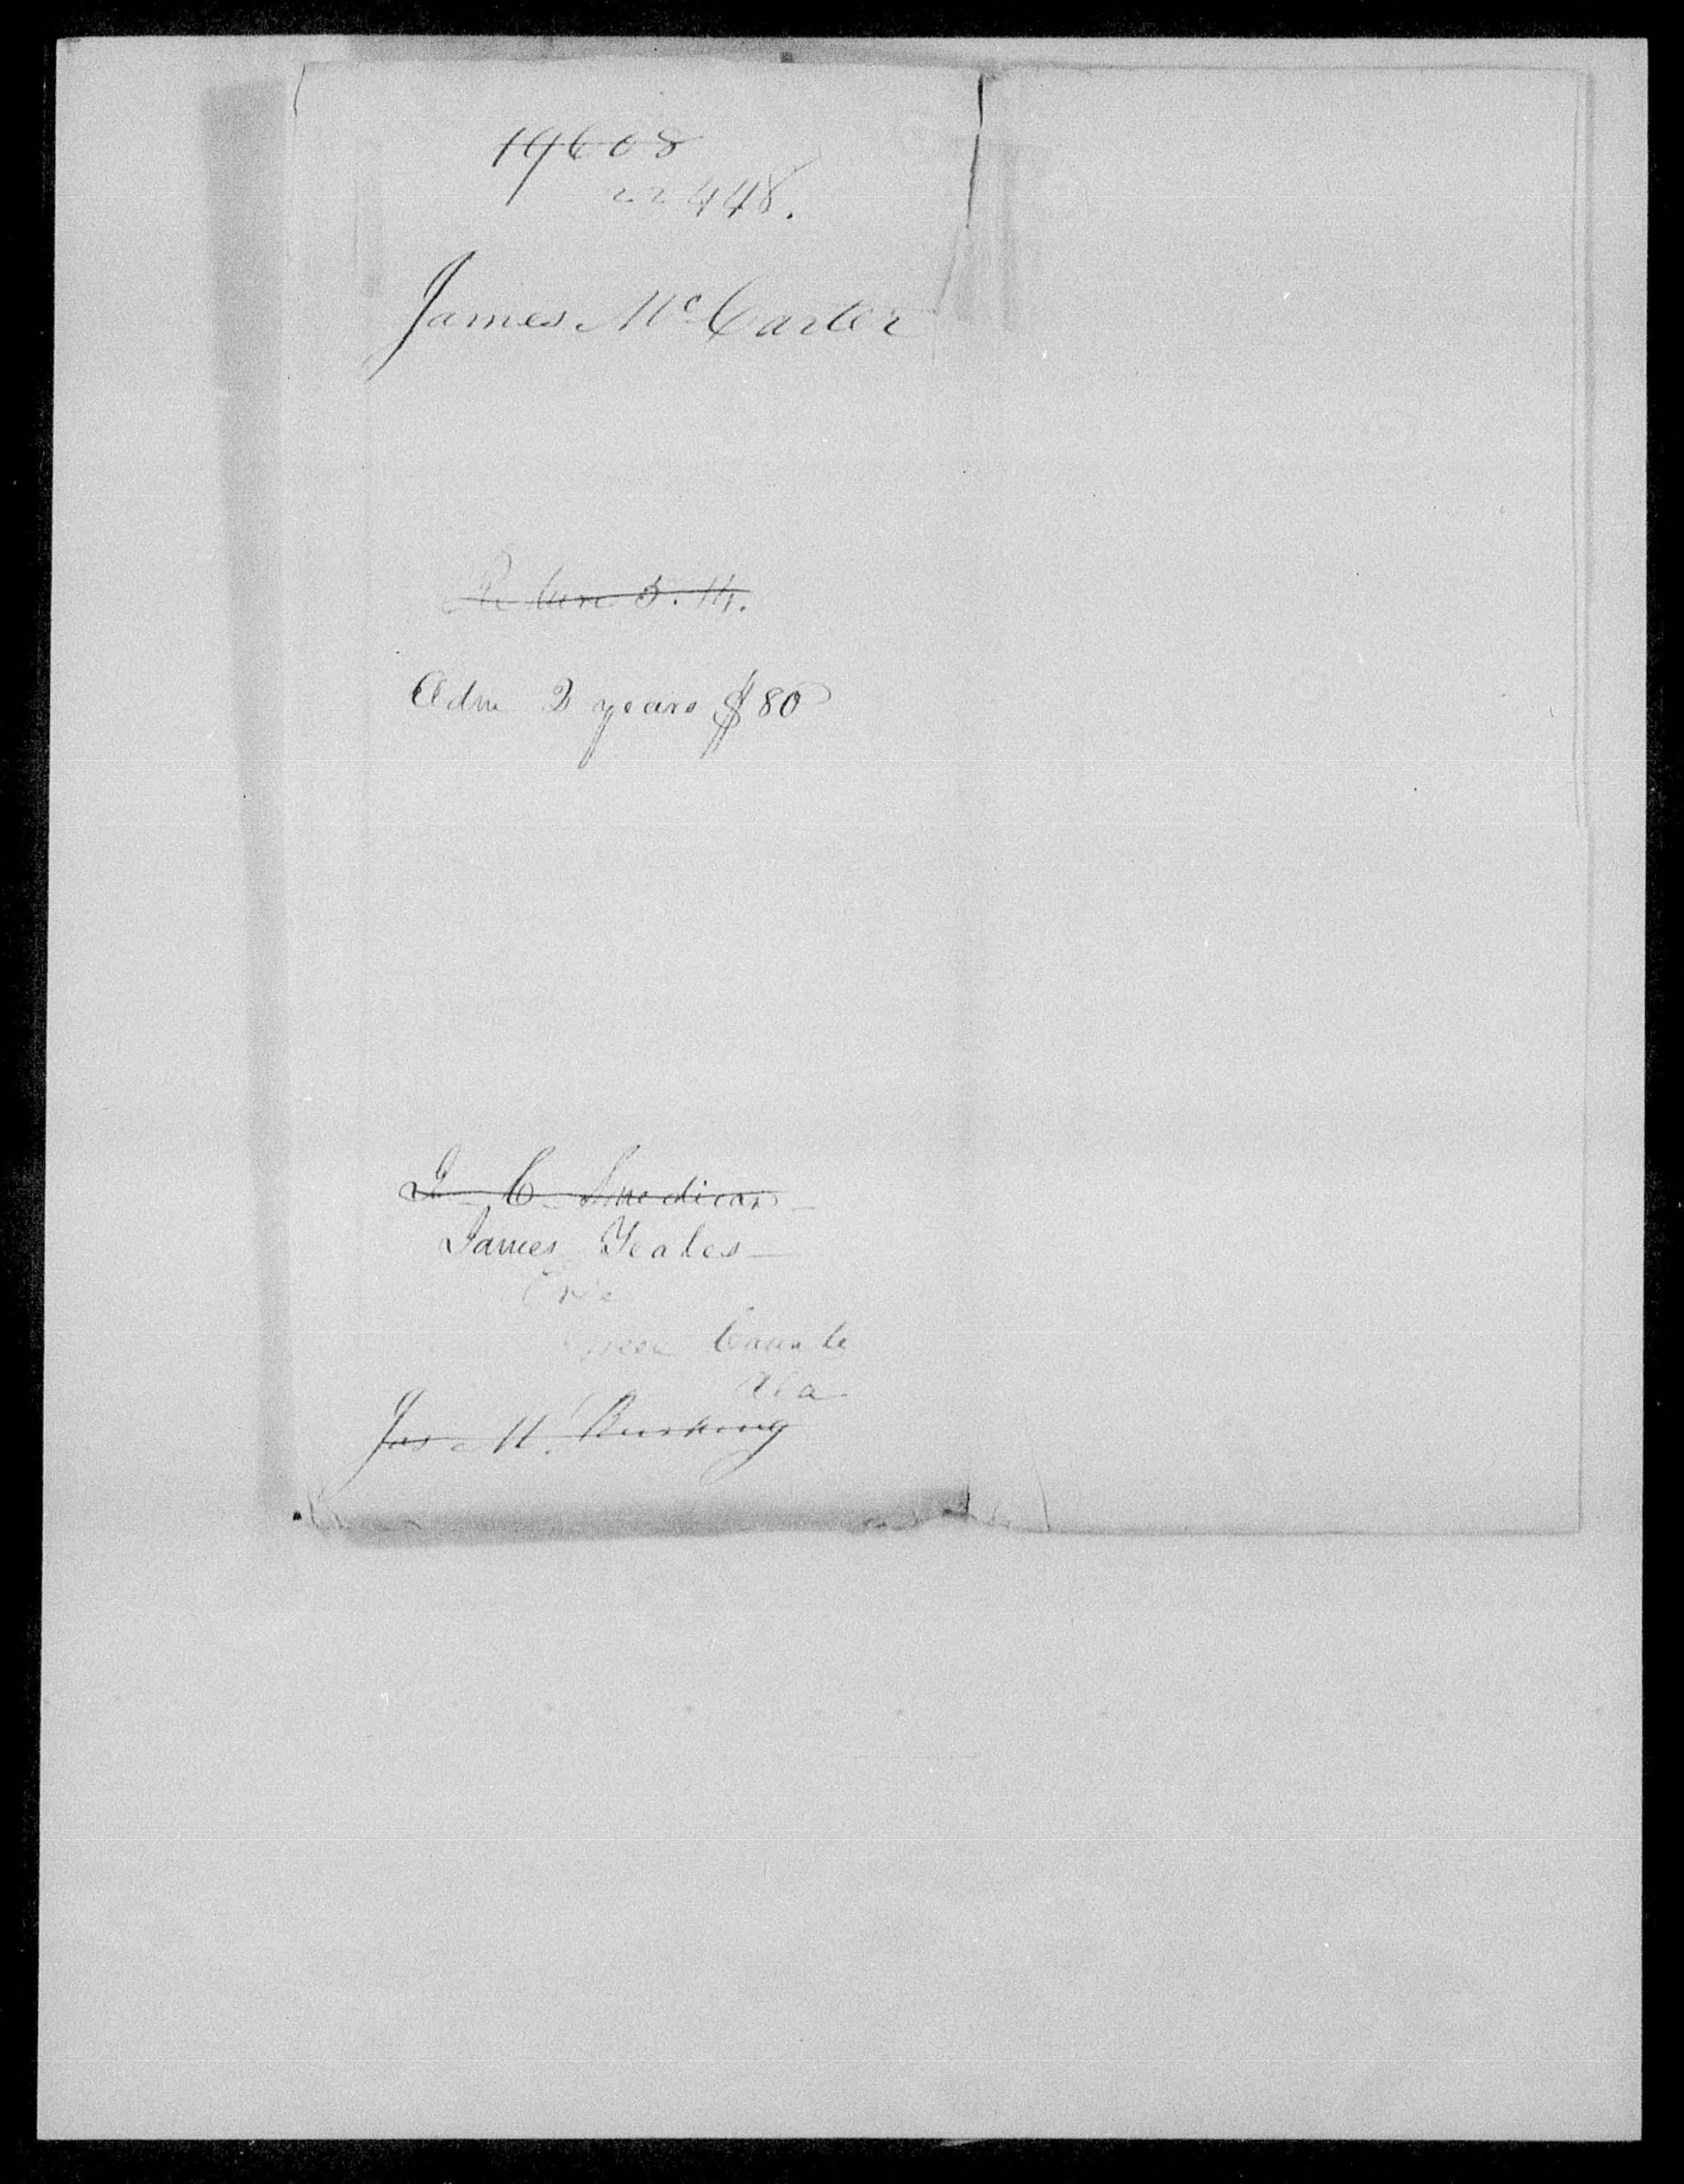[crossed out: 19608]
22448.
James McCarter
[crossed out: Return 5. th.]
Adm 2 years $80
[crossed out: J. C. Smedican]
James Yeates Erie Green County Ala
[crossed out Jas H Bunking]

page: 3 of 45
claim: survivor's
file: S. 13,890, for James Mc Carter, South Carolina